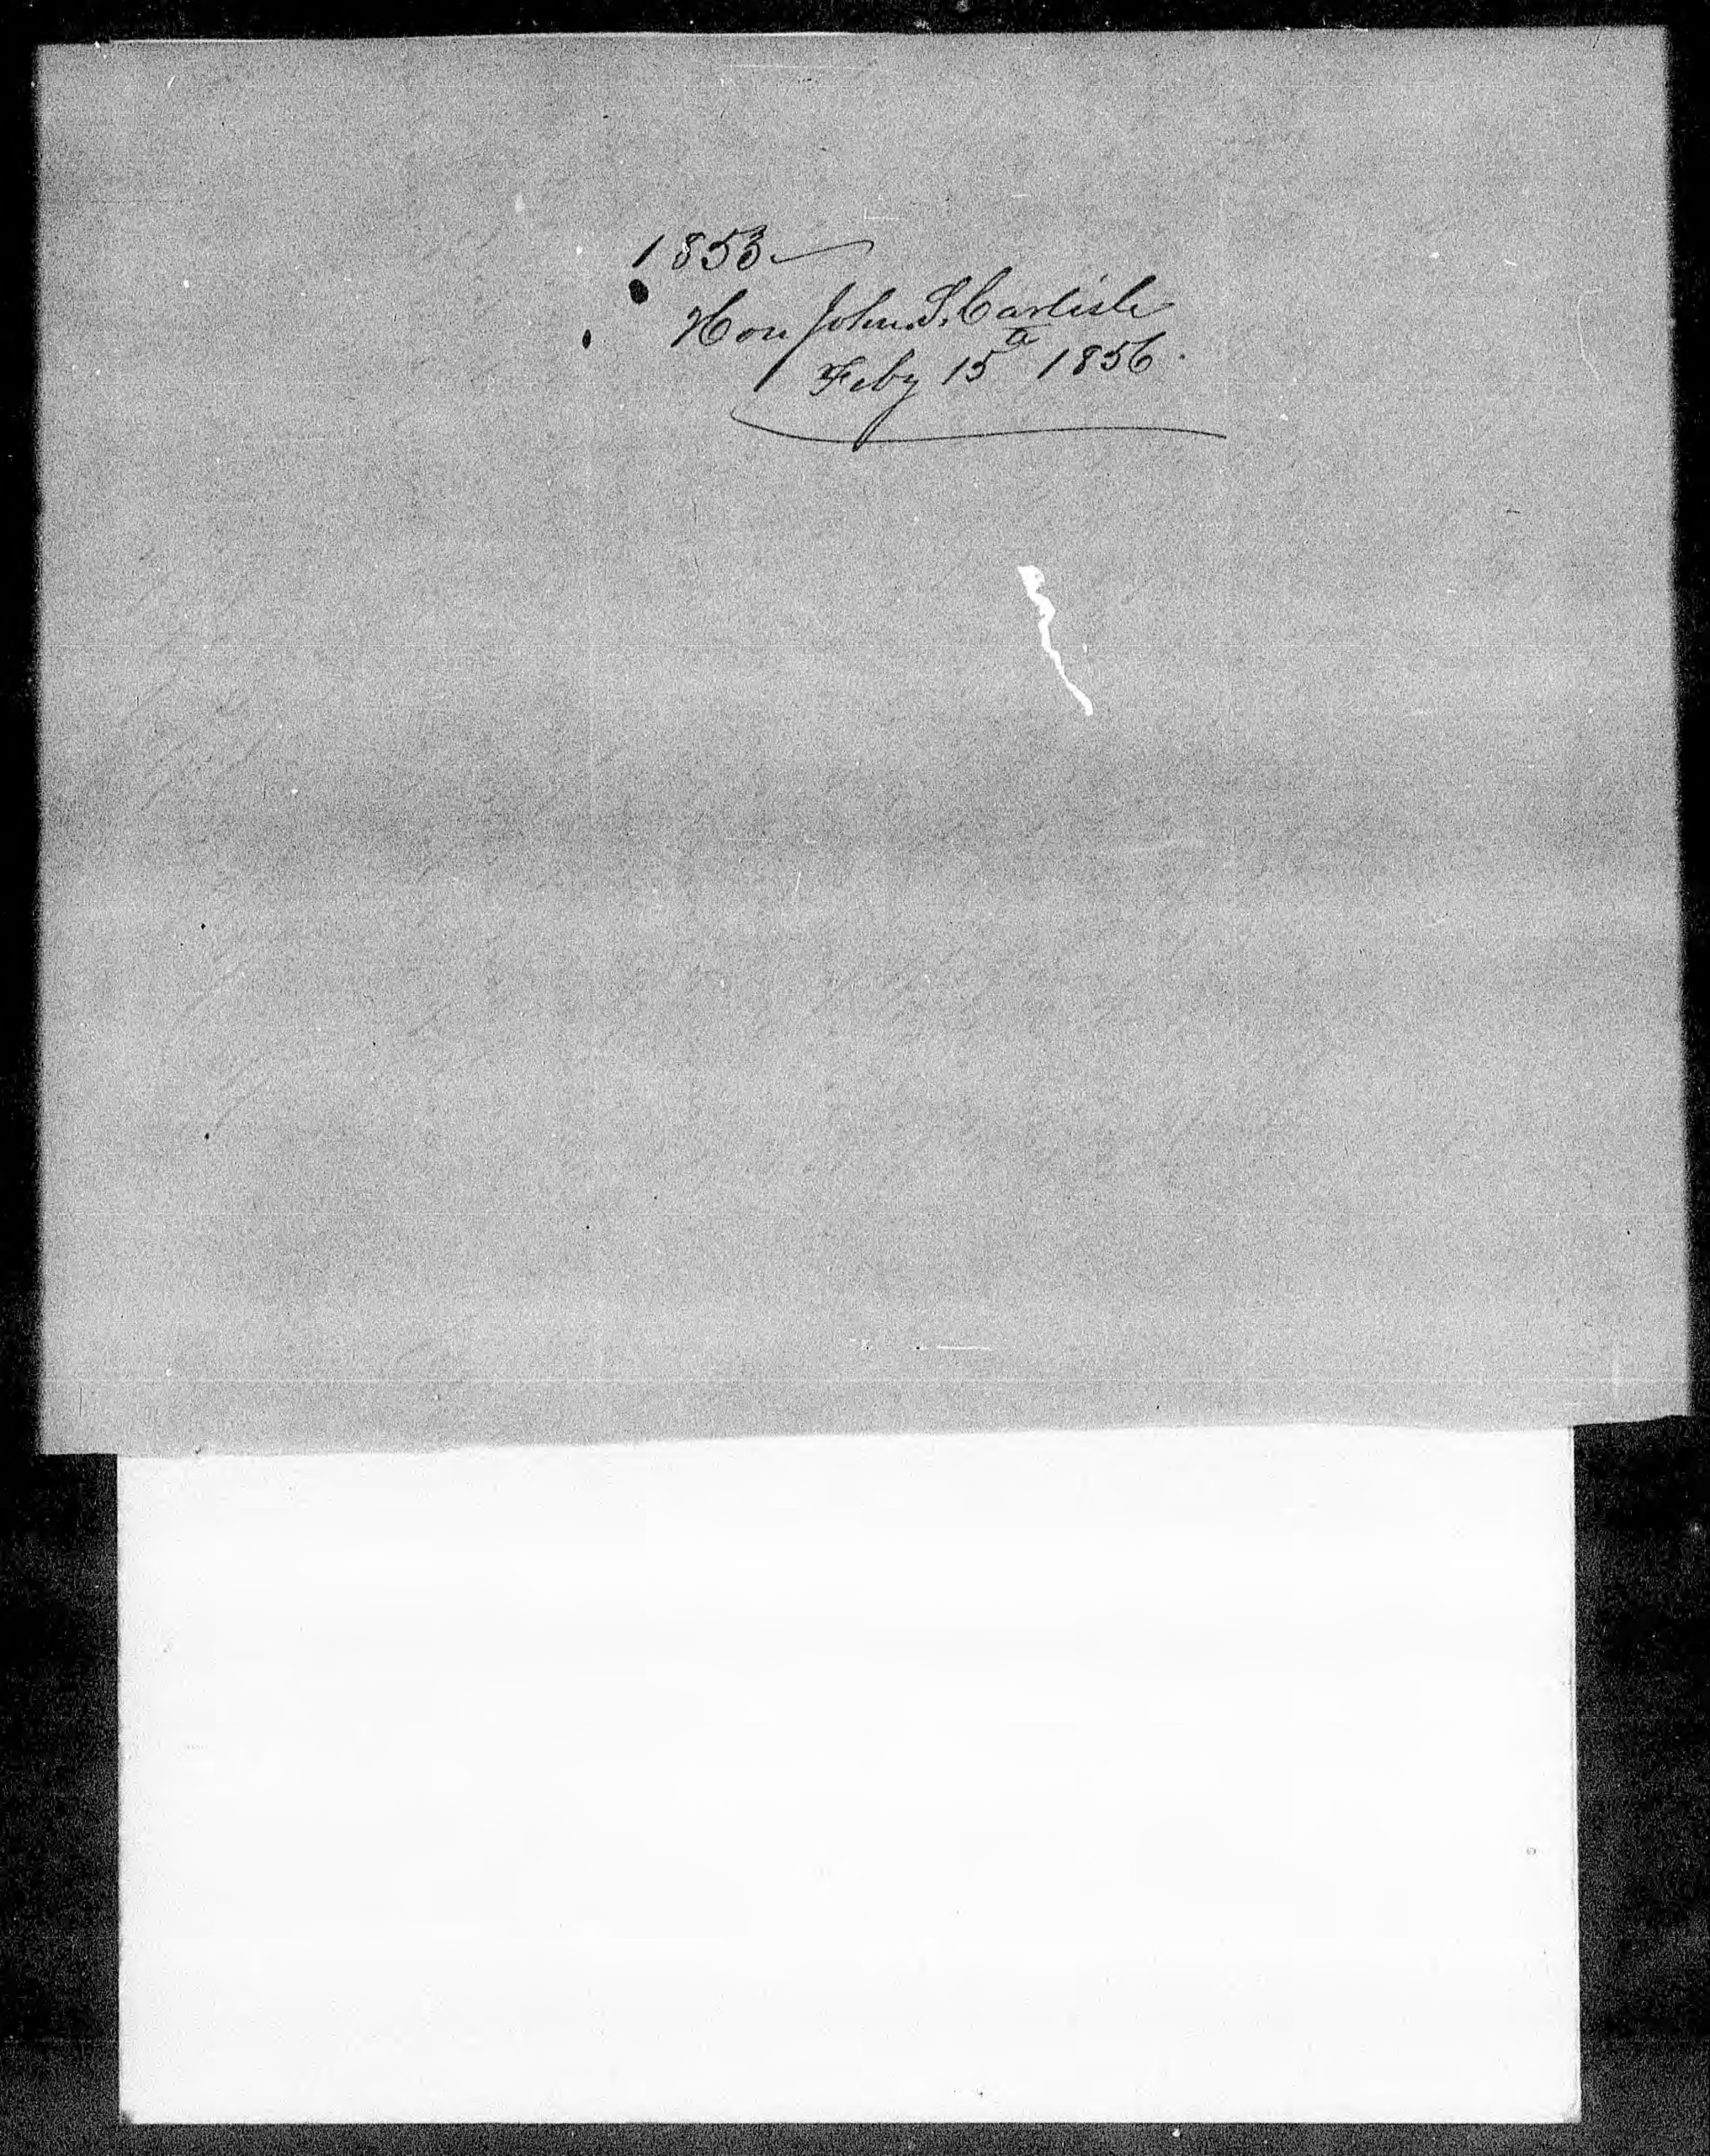1853
Hon [Honorable] John S. Carlisle
Feby {February] 15th 1856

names: John S Carlisle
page: 18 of 21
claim: rejected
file: R. 1,907, Joseph Cheuvront, Va.